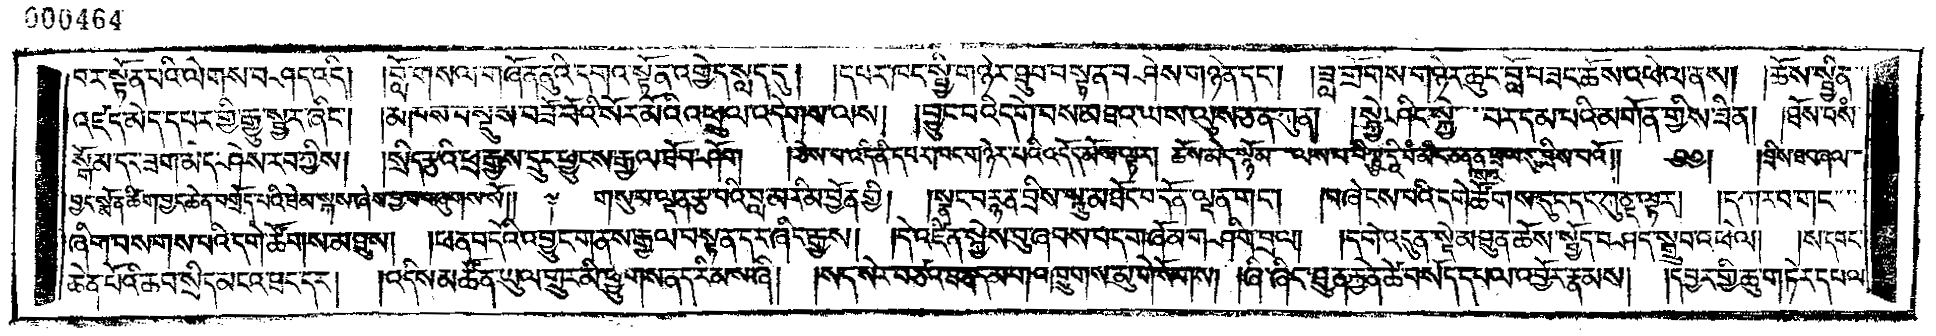བར་སྟོན་པའི་ལེགས་བཤད་འདི། །བློ་གསལ་གཞོན་ནུའི་དགའ་སྟོན་འགྱེད་སླད་དུ། །དཔར་ཁང་སྤྱི་གཉེར་ཐུབ་བསྟན་བཤེས་གཉེན་དང་། །ཟླ་གྲོགས་གཉེར་ཆུང་བློ་བཟང་ཆོས་འཕེལ་ནས། །ཆོས་སྦྱིན་
འཛད་མེད་དཔར་གྱི་རྒྱུ་སྦྱར་ཞིང་། །མཁས་བསྡུས་བཟོ་བོའི་སོར་མོའི་འཕྲུལ་འདེགས་ལས། །བྱུང་བའི་དགེ་བས་མཐའ་ཡས་ལུས་ཅན་ཀུན། །སྐྱེ་ཤིང་སྐྱེ་བར་དམ་པའི་མགོན་གྱིས་ཟིན། །ཐོས་བསམ་
སྒོམ་དང་ཟག་མེད་ཤེས་རབ་ཀྱིས། །སྲིད་རྩའི་ཕྲ་རྒྱས་དྲུང་ཕྱུངས་རྒྱལ་ཐོབ་ཤོག །ཅེས་པ་འདི་ནི་དཔར་ཁང་གཉེར་པའི་འདོད་མོས་ལྟར། ཆོས་མེད་སྙོམ་ལས་པ་བིཀྵུ་དཱི་བཾ་མིང་ཅན་ནས་འཕྲལ་དུ་བྲིས་པའོ།། ༄༅། །བྲིས་ཐང་ཞལ་
བྱང་སྨོན་ཚིག་བྱང་ཆེན་བགྲོད་པའི་ཐེམ་སྐས་ཞེས་བྱ་བ་བཞུགས་སོ།། ༈ གསུམ་ལྡན་རྩ་བའི་བླ་མ་རིམ་བྱོན་གྱི། །སྣང་བརྙན་བྲིས་སྐུ་མཐོང་བ་དོན་ལྡན་གང་། །བཞེངས་པའི་དགེ་ཚོགས་དུང་དང་ཀུནྡ་ལྟར། །དཀར་བ་གང་
ཞིག་བསགས་པའི་དགེ་ཚོགས་མཐུས། །ཕན་བདེའི་འབྱུང་གནས་རྒྱལ་བསྟན་དར་ཞིང་རྒྱས། །དེ་འཛིན་སྐྱེས་བུ་ཞབས་པད་གཞོམ་གཤིག་བྲལ། །དགེ་འདུན་སྡེ་མཐུན་ཆོས་སྤྱོད་བཤད་སྒྲུབ་འཕེལ། །ས་དབང་
ཆེན་པོའི་ཆབ་སྲིད་མངའ་ཐང་དར། །འདིས་མཚོན་ཡུལ་གྲུར་མི་ཕྱུགས་ནད་རིམས་ཞི། །སད་སེར་བཙའ་ཐན་དམག་འཁྲུགས་མུ་གེ་སོགས། །ཞི་ཞིང་ཐུན་རྐྱེན་ཚེ་བསོད་དཔལ་འབྱོར་རྣམས། །དབྱར་གྱི་ཆུ་གཏེར་དཔལ་